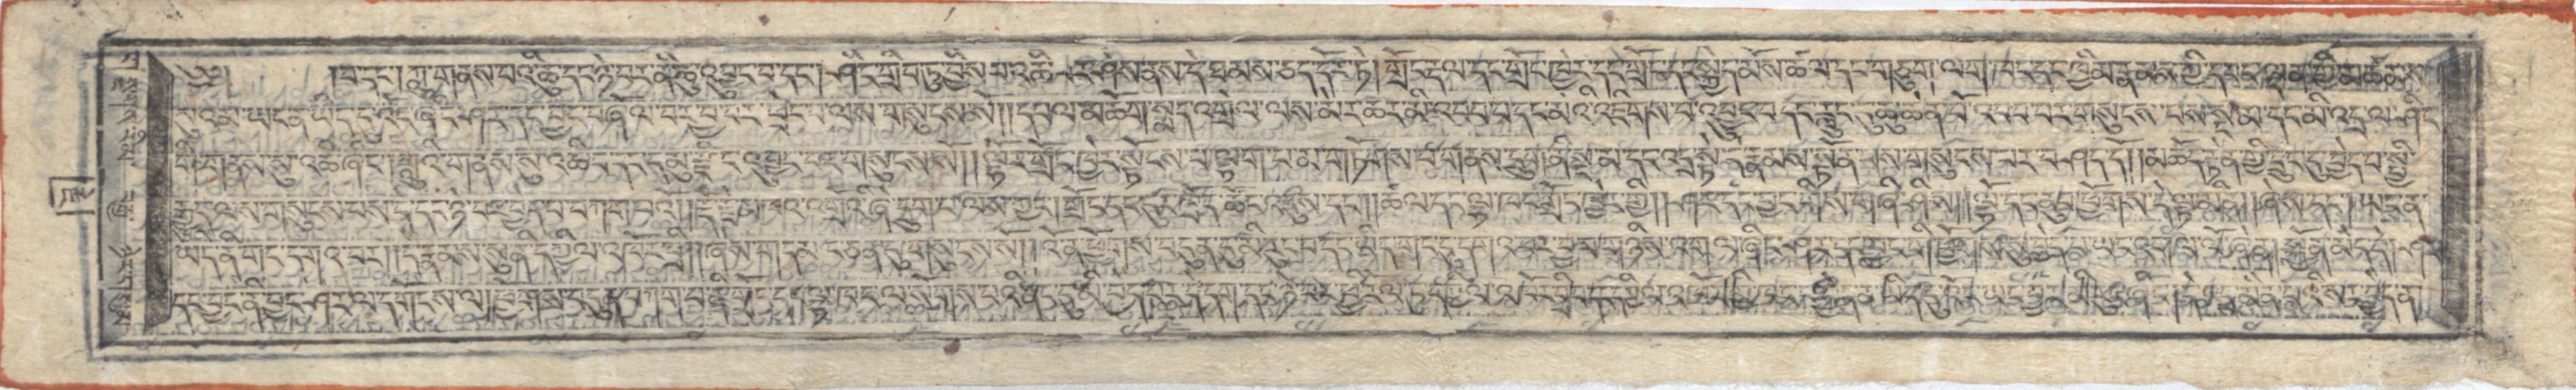༄༅། །བ་དང་། ཀླུ་གནས་པའི་ཆུ་དང་ཉེ་བར་ནི་ཆུ་འབྱུང་བ་དང་། ཤིང་གྲིབ་ཏུ་བྱིས་པ་འཆི་བར་ཤེས་ནས་དེ་ཐམས་ཅད་དོར་ཏེ། གྲོང་རྡལ་དང་གྲོང་ཁྱེར་དང་གྲོང་དང་སྐྱེད་མོས་ཚལ་དང་གཙུག་ལག་ཁང་དང་ཁྱིམ་རྣམས་ཀྱི་དབང་ལྡན་གྱི་མཚམས་
སུའམ་ཡང་ན་ཡིད་དུ་འོང་ཞིང་ཤར་དང་བྱང་བཞོལ་བར་བྱ་བར་ཕྲེང་བ་ལས་གསུངས་སོ། །དཔལ་མཆོག་སྨད་འགྲེལ་ལས་མེར་ཆར་མི་འབབ་པ་དང་མེའི་འཇིགས་པ་འབྱུང་བ་དང་རླུང་དུ་ཆུ་ཆེན་པོ་འབབ་པར་གསུངས་པས་སྔ་མ་དང་མི་འདྲ་ལ་ཤིང་
གི་གནས་སུ་འཆི་ཞིང་། ཀླུའི་གནས་སུ་འཆི་བ་དང་དམུ་རྫིང་འབྱུང་བར་གསུངས་སོ། །ལྷོར་གྲོང་ཁྱེར་སྟོངས་པ་ལྷག་པ་མ་གཏོགས་པ་གནས་དྲུག་ནི་སྔ་མ་དང་འདྲ་སྟེ་དེ་རྣམས་སྟོན་པས་གསུངས་པར་བཤད་དོ། །མཆོད་རྟེན་གྱི་དྲུང་དུ་བྱེད་པ་སྤྱི་
རྒྱུད་ལས་གསུངས་པས་དེ་དང་ཉེ་བར་བྱེད་པ་བཀག་པའོ། །རྡོ་རྗེ་མཁའ་འགྲོའི་ཞེ་དྲུག་པ་ལས་ཀྱང་། གྲོང་དང་དུར་ཁྲོད་ཚོང་འདུས་དང་། །ཚལ་དང་ལྷ་ཁང་གྲོང་ཁྱེར་གྱི། །ཤར་དང་བྱང་གི་ས་གཞི་ཤིས། །ལྷོ་དང་ནུབ་ཕྱོགས་དེ་ལྟ་མིན། །ཞེས་དང་། ཡང་ན་
ཡིད་ནི་གང་དགའ་བར། །དེ་རྣམས་སུ་ནི་དཀྱིལ་འཁོར་བྲི། །ཞེས་གདམ་ང་ཅན་དུ་གསུངས་སོ། །འོ་ན་ཕྱོགས་བདུན་དུ་མི་རུང་བ་དང་ཡིད་གང་དུ་དགའ་བར་བྱ་བ་གཉིས་འགལ་ཞིང་ཤར་དང་བྱང་གི་ཕྱོགས་སུ་བྱེད་པ་ཡང་འགལ་ལོ་ཞེ་ན། སྐྱོན་མེད་དེ། ཤར་
དང་བྱང་ནི་བྱང་ཤར་ལ་དགོངས་ལ། ཕྱོགས་བདུན་བཀག་པ་ནི་གྲོང་དང་ལྷ་ཁང་ལ་སོགས་པའི་ནང་དུ་མི་བྱེད་པར་དེ་དག་དང་ཉེ་བར་ཕྱི་རོལ་ཏུ་དཀྱིལ་འཁོར་བྲི་བ་དང་དཀྱིལ་འཁོར་གྱི་ཁང་པ་བྱེད་ན་ཡིད་དུ་འོང་ཡང་བྱར་མི་རུང་ཞིང་། དེ་འདྲ་མིན་པའི་སར་བྱེད་ན་